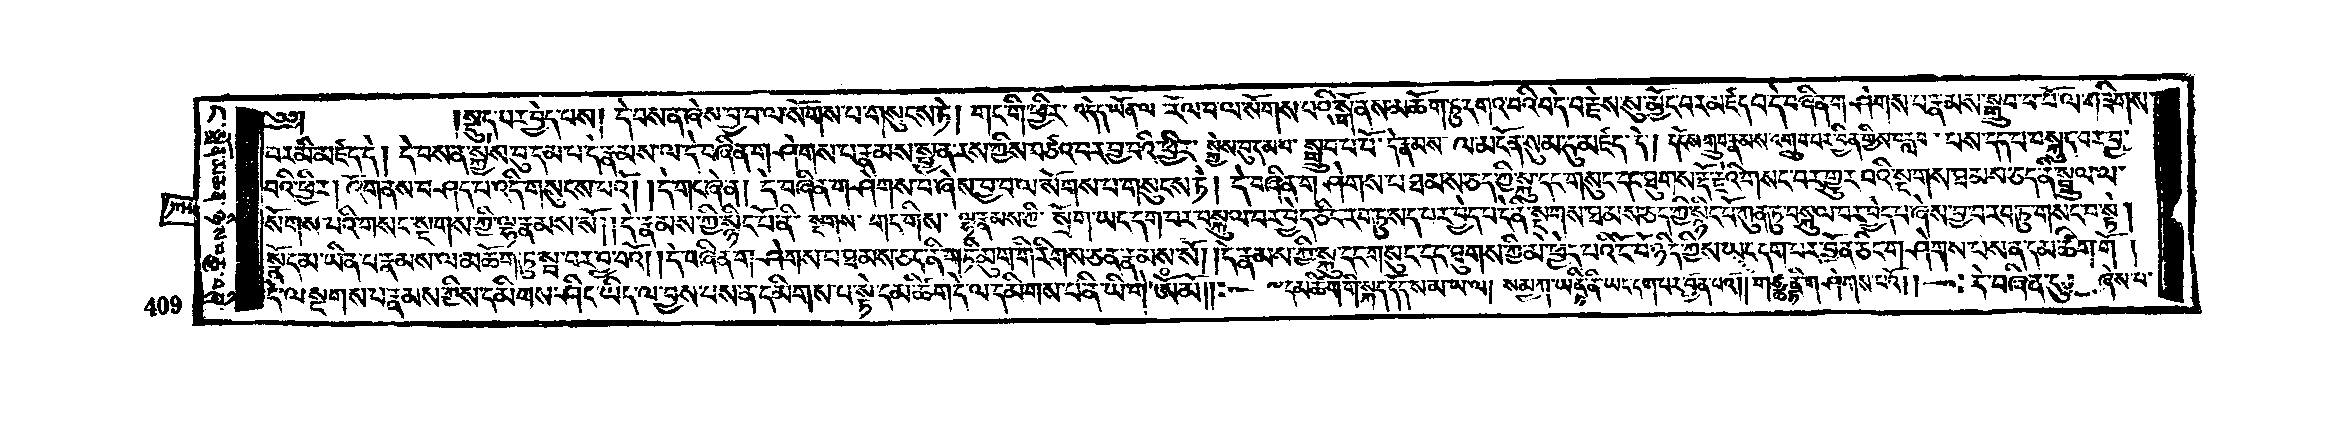༄༅། །སྡུད་པར་བྱེད་པས། དེ་བས་ན་ཞེས་བྱ་བ་ལ་སོགས་པ་གསུངས་ཏེ། གང་གི་ཕྱིར་འདོད་ཡོན་ལ་རོལ་བ་ལ་སོགས་པའི་སྒོ་ནས་མཆོག་ཏུ་དགའ་བའི་བདེ་བ་རྗེས་སུ་མྱོང་བར་མཛད་པ་དེ་བཞིན་གཤེགས་པ་རྣམས་སྒྲུབ་པ་པོ་ལ་གཟིགས་
པར་མི་མཛད་དེ། དེ་བས་ན་སྐྱེས་བུ་དམ་པ་དེ་རྣམས་ལ་དེ་བཞིན་གཤེགས་པ་རྣམས་སྤྱན་རས་ཀྱིས་བཙའ་བར་བྱ་བའི་ཕྱིར་སྐྱེས་བུ་དམ་པ་སྒྲུབ་པ་པོ་དེ་རྣམས་ལ་མངོན་སུམ་དུ་མཛད་དེ། དངོས་གྲུབ་རྣམས་འགྲུབ་པར་བྱིན་གྱིས་བརླབ་པས་དད་པ་བསྐྱེད་བར་བྱ་
བའི་ཕྱིར། འོག་ནས་བཤད་པ་འདི་གསུངས་པའོ། །དེ་གང་ཞེ་ན། དེ་བཞིན་གཤེགས་པ་ཞེས་བྱ་བ་ལ་སོགས་པ་གསུངས་ཏེ། དེ་བཞིན་གཤེགས་པ་ཐམས་ཅད་ཀྱི་སྐུ་དང་གསུང་དང་ཐུགས་རྡོ་རྗེའི་གསང་བར་གྱུར་བའི་སྔགས་ཐམས་ཅད་ནི་སྤྲུལ་ལ་
སོགས་པའི་གསང་སྔགས་ཀྱི་ལྷ་རྣམས་སོ། །དེ་རྣམས་ཀྱི་སྙིང་པོ་ནི་སྔགས་གང་གིས་ལྷ་རྣམས་ཀྱི་སྲོག་ཡང་དག་པར་བསྐུལ་བར་བྱེད་ཅིང་རབ་ཏུ་སད་པར་བྱེད་པ་དེ་ནི་སྔགས་ཐམས་ཅད་ཀྱི་སྙིང་པོ་ཀུན་ཏུ་བསྐུལ་བར་བྱེད་པ་ཞེས་བྱ་བ་རབ་ཏུ་གསང་བ་སྟེ།
སྣོད་མ་ཡིན་པ་རྣམས་ལ་མཆོག་ཏུ་སྦ་བར་བྱ་བའོ། །དེ་བཞིན་གཤེགས་པ་ཐམས་ཅད་ནི་གཏི་མུག་གི་རིགས་ཅན་རྣམས་སོ། །དེ་རྣམས་ཀྱི་སྐུ་དང་དང་གསུང་ཐུགས་ཀྱི་མི་ཕྱེད་པའི་ངོ་བོ་ཉིད་ཀྱིས་ཡང་དག་པར་བྱོན་ཅིང་གཤེགས་པས་ན་དམ་ཚིག་གོ །
དེ་ལ་སྔགས་པ་རྣམས་ཀྱིས་དམིགས་ཤིང་ཡིད་ལ་བྱས་པས་ན་དམིགས་པ་སྟེ་དམ་ཚིག་དེ་ལ་དམིགས་པ་ནི་ཡི་གེ་ཨོཾ་མོ།། H.་༧་དམ་ཚིག་གི་སྐད་དོད་ས་མ་ཡ་ལ། སམྱཀ་ཡནྟི་ནི་ཡང་དག་པར་བྱོན་པའོ། །གཙྪ་ནྟི་གཤེགས་པའོ།། .H དེ་བཞིན་དུ་.H ཞེས་པ་